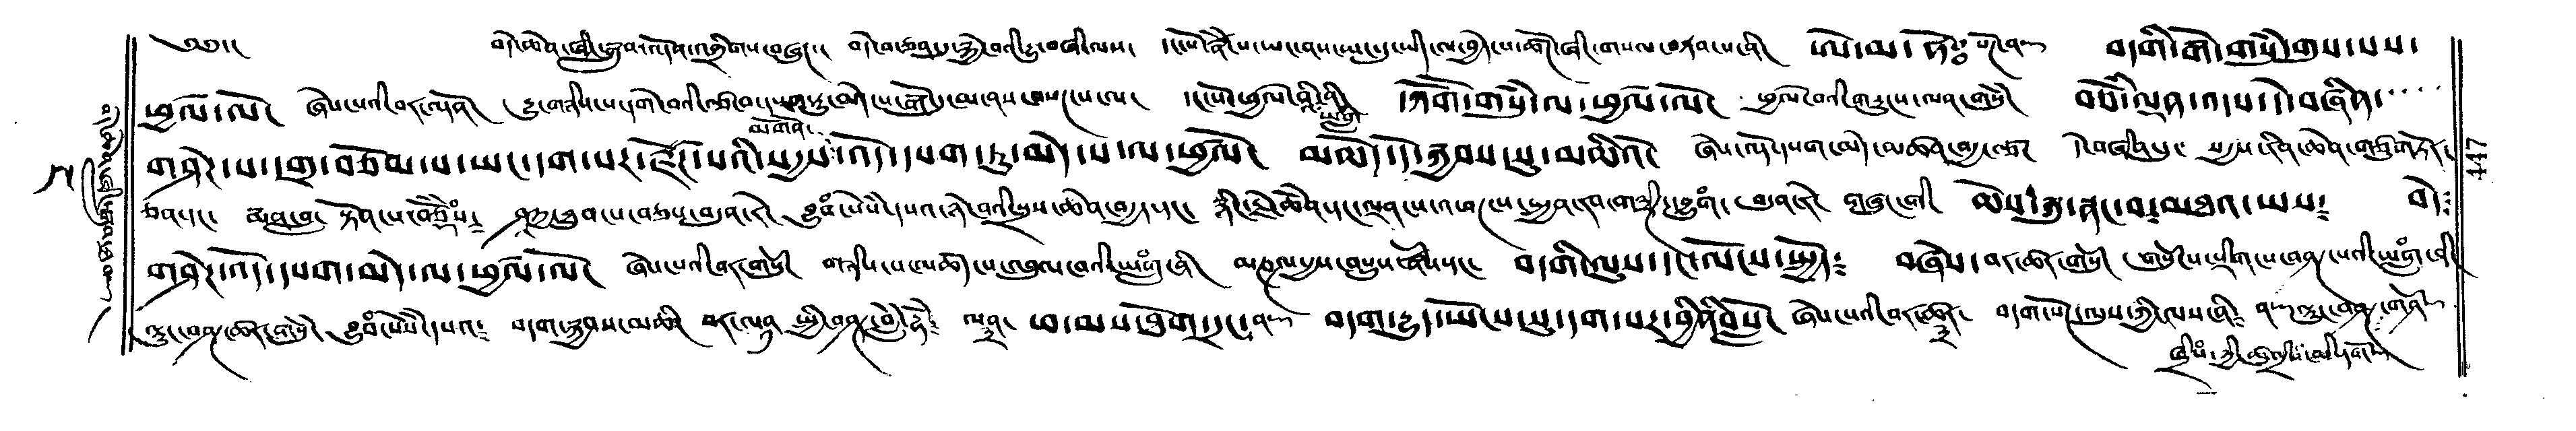༄༅། བདེ་ཆེན་ཞིང་སྒྲུབ་འདོན་འགྲིགས་བཞུགས། བདེ་བ་ཅན་དུ་སྐྱེ་བའི་རྒྱུ་བཞི་ལས། དང་པོ་རྣམ་པ་ཡང་ནས་ཡང་དུ་ཡིད་ལ་བྱེད་པ་ཚོགས་ཞིང་གསལ་བཏབ་པ་ནི། ཨེ་མ་ཧོཿ སོགས་ནས། བདག་གི་སྒོ་གསུམ་གུས་པས་
ཕྱག་འཚལ་ལོ། ཞེས་པའི་བར་འདོན། རྒྱུ་གཉིས་པ་དགེ་བའི་རྩ་བ་དཔག་ཏུ་མེད་པ་སྒོ་དུ་མ་ནས་བསགས་པ་ལ། དང་པོ་ཕྱག་འཚལ་བའི་ཡན་ལག་ནི། དཀོན་གསུམ་ལ་ཕྱག་འཚལ་ལོ། ཕྱག་འཚལ་བའི་གཟུང་ལན་གསུམ། བཅོམ་ལྡན་འདས་དེ་བཞིན་
གཤེགས་པ་དགྲ་བཅོམ་པ་ཡང་དག་པར་རྫོགས་པའི་སངས་རྒྱས་མགོན་པོ་འོད་དཔག་ཏུ་མེད་པ་ལ་ཕྱག་འཚལ་ལོ། མཆོད་དོ། སྐྱབས་སུ་མཆིའོ། ཞེས་འོད་དཔག་མེད་མཚན་བརྒྱ་རྩ། དེ་བཞིན་དུ། སངས་རྒྱས་རིན་ཆེན་གཙུག་གཏོར་
ཅན་དང་། སྨན་བླ། སྟོན་པ་བཅོམ་ལྡན་འདས་ཤཱཀྱ་ཐུབ་པ་བཅས་བདུན་རེ། བྱང་ཆུབ་སེམས་དཔའ་ཉེ་བའི་སྲས་ཆེན་བརྒྱད་དང་། སྙིང་རྗེ་ཆེན་པོ་དང་ལྡན་པ་འཕགས་པ་སྤྱན་རས་གཟིགས་དབང་ཕྱུག་བདུན་རེ། གཞུང་གི ཆོས་སྐུ་སྣང་བ་མཐའ་ཡས༴ བདེ་
གཤེགས་འོད་དཔག་མེད་ལ་ཕྱག་འཚལ་ལོ། ཞེས་པའི་བར་གསུམ། གཉིས་པ་མཆོད་པ་འབུལ་བའི་ཡན་ལག་ནི། མཎྜལ་རྒྱས་བསྡུས་རྣམས་དང་། བདག་གི་ལུས་དང་ལོངས་སྤྱོད༴ ཞེས་བར་ཚར་གསུམ། གསུམ་པ་སྡིག་པ་བཤགས་པའི་ཡན་ལག་ནི། 
ལྟུང་བཤགས་ཚར་གསུམ། བྱང་ཆུབ་སེམས་དཔའ༴ བདག་སྐྱབས་མཆི། བར་ལན་གཅིག སྤྱི་བཤགས། བླ་མ་རྡོ་རྗེ༴ ལན་གསུམ། ཕ་མས་ཐོག་དྲང༴ ནས། བདག་རྒྱུད་ཡོངས་སུ་དག་པར་བྱིན་གྱིས་རློབས། ཞེས་བར་ཚར་གསུམ། བདག་སོགས་ལུས་ཀྱི་ལས་ནི༴ ནས་ལྟུང་བཤགས་གཤམ་